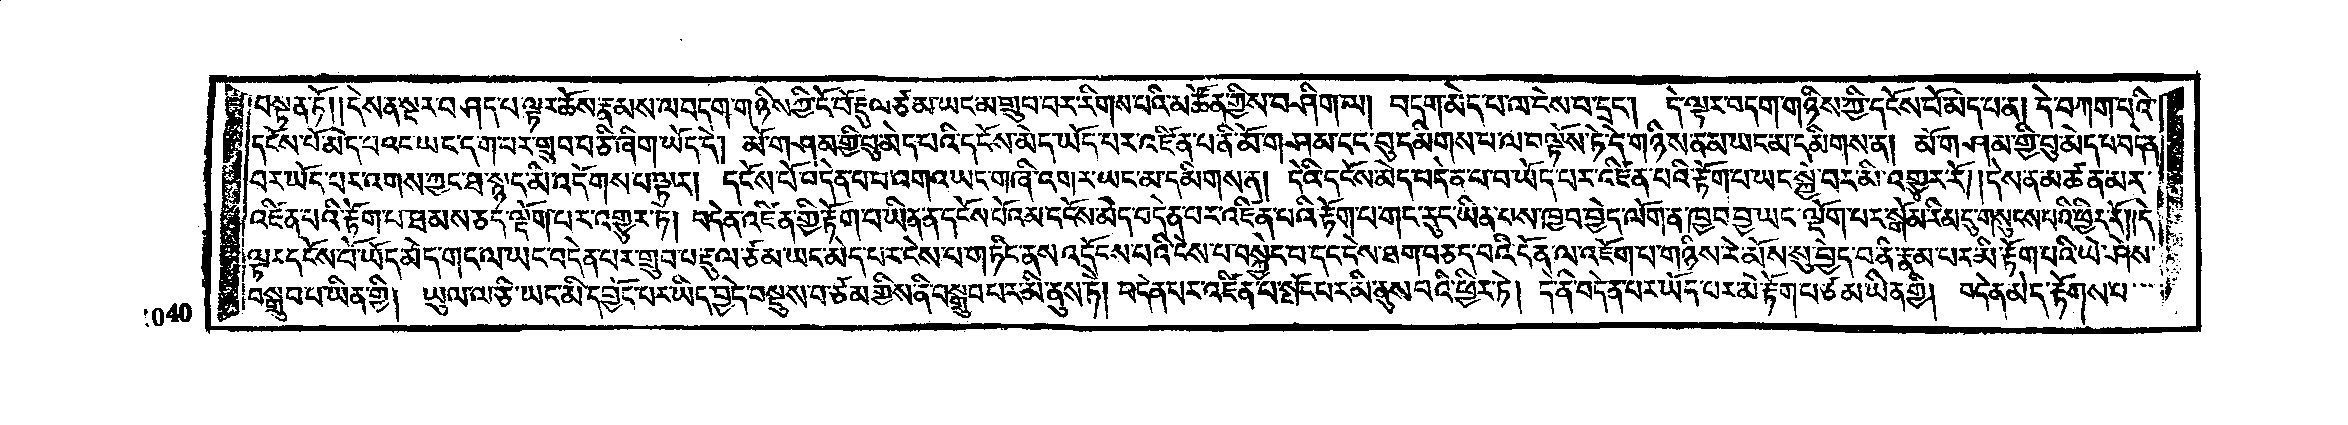བསྟན་ཏོ། །དེས་ན་སྔར་བཤད་པ་ལྟར་ཆོས་རྣམས་ལ་བདག་གཉིས་ཀྱི་ངོ་བོ་རྡུལ་ཙམ་ཡང་མ་གྲུབ་པར་རིགས་པའི་མཚོན་གྱིས་བཤིག་ལ། བདག་མེད་པ་ལ་ངེས་པ་དྲང་། དེ་ལྟར་བདག་གཉིས་ཀྱི་དངོས་པོ་མེད་པ་ན། དེ་བཀག་པའི་
དངོས་པོ་མེད་པའང་ཡང་དག་པར་གྲུབ་པ་ཅི་ཞིག་ཡོད་དེ། མོ་གཤམ་གྱི་བུ་མེད་པའི་དངོས་མེད་ཡོད་པར་འཛིན་པ་ནི་མོ་གཤམ་དང་བུ་དམིགས་པ་ལ་བལྟོས་ཏེ་དེ་གཉིས་ནམ་ཡང་མ་དམིགས་ན། མོ་གཤམ་གྱི་བུ་མེད་པ་བདེན་
པར་ཡོད་པར་འགས་ཀྱང་ཐ་སྙད་མི་འདོགས་པ་ལྟར། དངོས་པོ་བདེན་པ་བ་འགའ་ཡང་གཞི་འགར་ཡང་མ་དམིགས་ན། དེའི་དངོས་མེད་བདེན་པ་བ་ཡོད་པར་འཛིན་པའི་རྟོག་པ་ཡང་སྐྱེ་བར་མི་འགྱུར་རོ། །དེས་ན་མཚན་མར་
འཛིན་པའི་རྟོག་པ་ཐམས་ཅད་ལྡོག་པར་འགྱུར་ཏེ། བདེན་འཛིན་གྱི་རྟོག་པ་ཡིན་ན་དངོས་པོའམ་དངོས་མད་བདེན་པར་འཛིན་པའི་རྟོག་པ་གང་རུང་ཡིན་པས་ཁྱབ་བྱེད་ལོག་ན་ཁྱབ་བྱ་ཡང་ལྡོག་པར་སྒོམ་རིམ་དུ་གསུངས་པའི་ཕྱིར་རོ། །དེ་
ལྟར་དངོས་པོ་ཡོད་མེད་གང་ལ་ཡང་བདེན་པར་གྲུབ་པ་རྡུལ་ཙམ་ཡང་མེད་པར་ངེས་པ་གཏིང་ནས་འདྲོངས་པའི་ངེས་པ་བསྐྱེད་པ་དང་དེས་ཐག་བཅད་པའི་དོན་ལ་འཇོག་པ་གཉིས་རེ་མོས་སུ་བྱེད་པ་ནི་རྣམ་པར་མི་རྟོག་པའི་ཡེ་ཤེས་
བསྒྲུབ་པ་ཡིན་གྱི། ཡུལ་ལ་ཅི་ཡང་མི་དཔྱོད་པར་ཡིད་བྱེད་བསྡུས་པ་ཙམ་གྱིས་ནི་བསྒྲུབ་པར་མི་ནུས་ཏེ། བདེན་པར་འཛིན་པ་སྤོང་བར་མི་ནུས་པའི་ཕྱིར་ཏེ། དེ་ནི་བདེན་པར་ཡོད་པར་མི་རྟོག་པ་ཙམ་ཡིན་གྱི། བདེན་མེད་རྟོགས་པ་